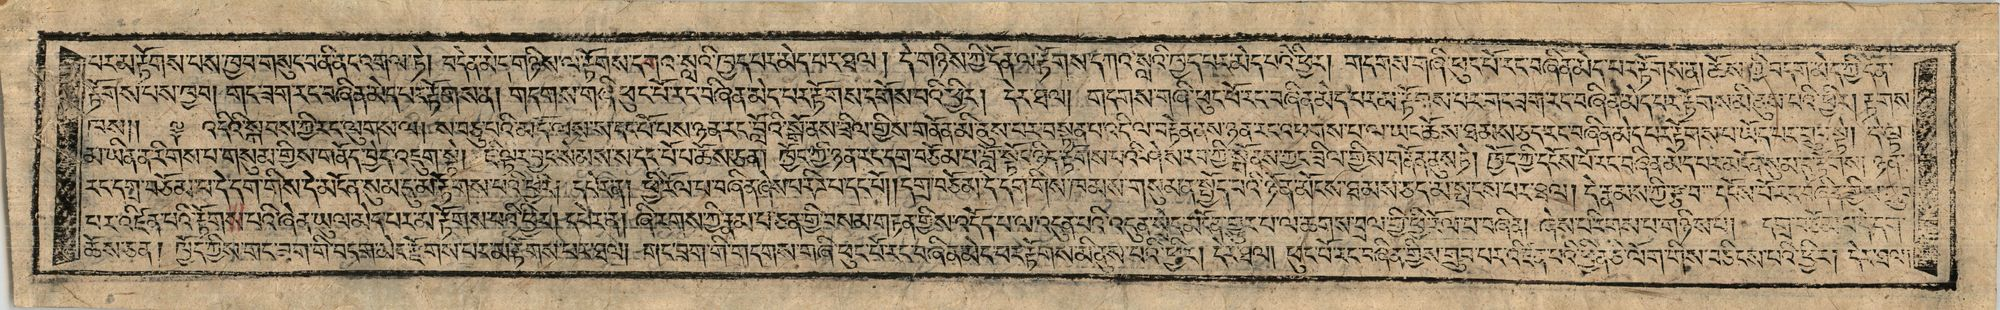པར་མ་རྟོགས་པས་ཁྱབ་གསུང་བ་ནི་ནང་འགལ་ཏེ། བདེན་མེད་གཉིས་ལ་རྟོགས་དཀའ་སླའི་ཁྱད་པར་མེད་པར་ཐལ། དེ་གཉིས་ཀྱི་དོན་ལ་རྟོགས་དཀའ་སླའི་ཁྱད་པར་མེད་པའི་ཕྱིར། གདགས་གཞི་ཕུང་པོ་རང་བཞིན་མེད་ཕར་རྟོགས་ན། ཆོས་ཀྱི་བདག་མེད་ཀྱི་དོན་
རྟོགས་པས་ཁྱབ། གང་ཟག་རང་བཞིན་མེད་པར་རྟོགས་ན། གདགས་གཞི་ཕུང་པོ་རང་བཞིན་མེད་པར་རྟོགས་དགོས་པའི་ཕྱིར། དེར་ཐལ། གདགས་གཞི་ཕུང་པོ་རང་བཞིན་མེད་པར་མ་རྟོགས་པར་གང་ཟག་རང་བཞིན་མེད་པར་རྟོགས་མི་ནུས་པའི་ཕྱིར། རྟགས་
ཁས།། ༈ འདིའི་སྐབས་ཀྱི་རང་ལུགས་ལ། ས་བཅུ་པའི་མདོ་ལས་ས་དང་པོ་པས་ཉན་རང་བློའི་སྒོ་ནས་ཟིལ་གྱིས་གནོན་མི་ནུས་པར་བསྟན་པ་འདི་ལ་བརྟེན་ནས་ཉན་རང་འཕགས་པ་ལ་ཡང་ཆོས་ཐམས་ཅད་རང་བཞིན་མེད་པར་རྟོགས་པ་ཡོད་པར་གྲུབ་སྟེ། དེ་ལྟ་
མ་ཡིན་ན་རིགས་པ་གསུམ་གྱིས་གནོད་བྱེད་འཇུག་སྟེ། ཇི་ལྟར་བྱང་སེམས་ས་དང་པོ་པ་ཆོས་ཅན། ཁྱོད་ཀྱི་ཉན་རང་དགྲ་བཅོམ་པ་བློ་སྟོང་ཉིད་རྟོགས་པའི་ཤེས་རབ་ཀྱི་སྒོ་ནས་ཀྱང་ཟིལ་གྱིས་གནོན་ནུས་ཏེ། ཁྱོད་ཀྱི་དངོས་པོ་རང་བཞིན་མེད་པར་མངོན་སུམ་དུ་རྟོགས། ཉན་
རང་དགྲ་བཅོམ་པ་དེ་དག་གིས་དེ་མངོན་སུམ་དུ་མ་རྟོགས་པའི་ཕྱིར། དཔེར་ན། ཕྱི་རོལ་པ་བཞིན་ཞེས་པ་རིགས་པ་དང་པོ། །དགྲ་བཅོམ་དེ་དག་གིས་ཁམས་གསུམ་ན་སྤྱོད་པའི་ཉོན་མོངས་ཐམས་ཅད་མ་སྤངས་པར་ཐལ། དེ་རྣམས་ཀྱི་རྩ་བ་དངོས་པོ་རང་བཞིན་གྱིས་གྲུབ་
པར་འཛིན་པའི་རྟོག་པའི་ཞེན་ཡུལ་མེད་པར་མ་རྟོགས་པའི་ཕྱིར། དཔེར་ན། ཞི་རགས་ཀྱི་རྣམ་པ་ཅན་གྱི་བསམ་གཏན་གྱིས་འདོད་པ་ལ་འདུན་པའི་འདུན་སྲེད་མངོན་གྱུར་པ་ལ་ཆགས་བྲལ་གྱི་ཕྱི་རོལ་པ་བཞིན། ཞེས་པ་རིགས་པ་གཉིས་པ། དགྲ་བཅོམ་པ་དེ་དག་
ཆོས་ཅན། ཁྱོད་ཀྱིས་གང་ཟག་གི་བདག་མེད་རྫོགས་པར་མ་རྟོགས་པར་ཐལ། གང་ཟག་གི་བདགསྒྮི་ཕུང་པོ་རང་བཞིན་མེད་པར་རྟོགས་མི་ནུས་པའི་ཕྱིར། དེར་ཐལ། ཕུང་པོ་རང་བཞིན་གྱིས་གྲུབ་པར་འདིཟྣྤའི་ཕྱིན་ཅི་ལོག་གིས་བཅིངས་པའི་ཕྱིར། དེར་ཐལ།